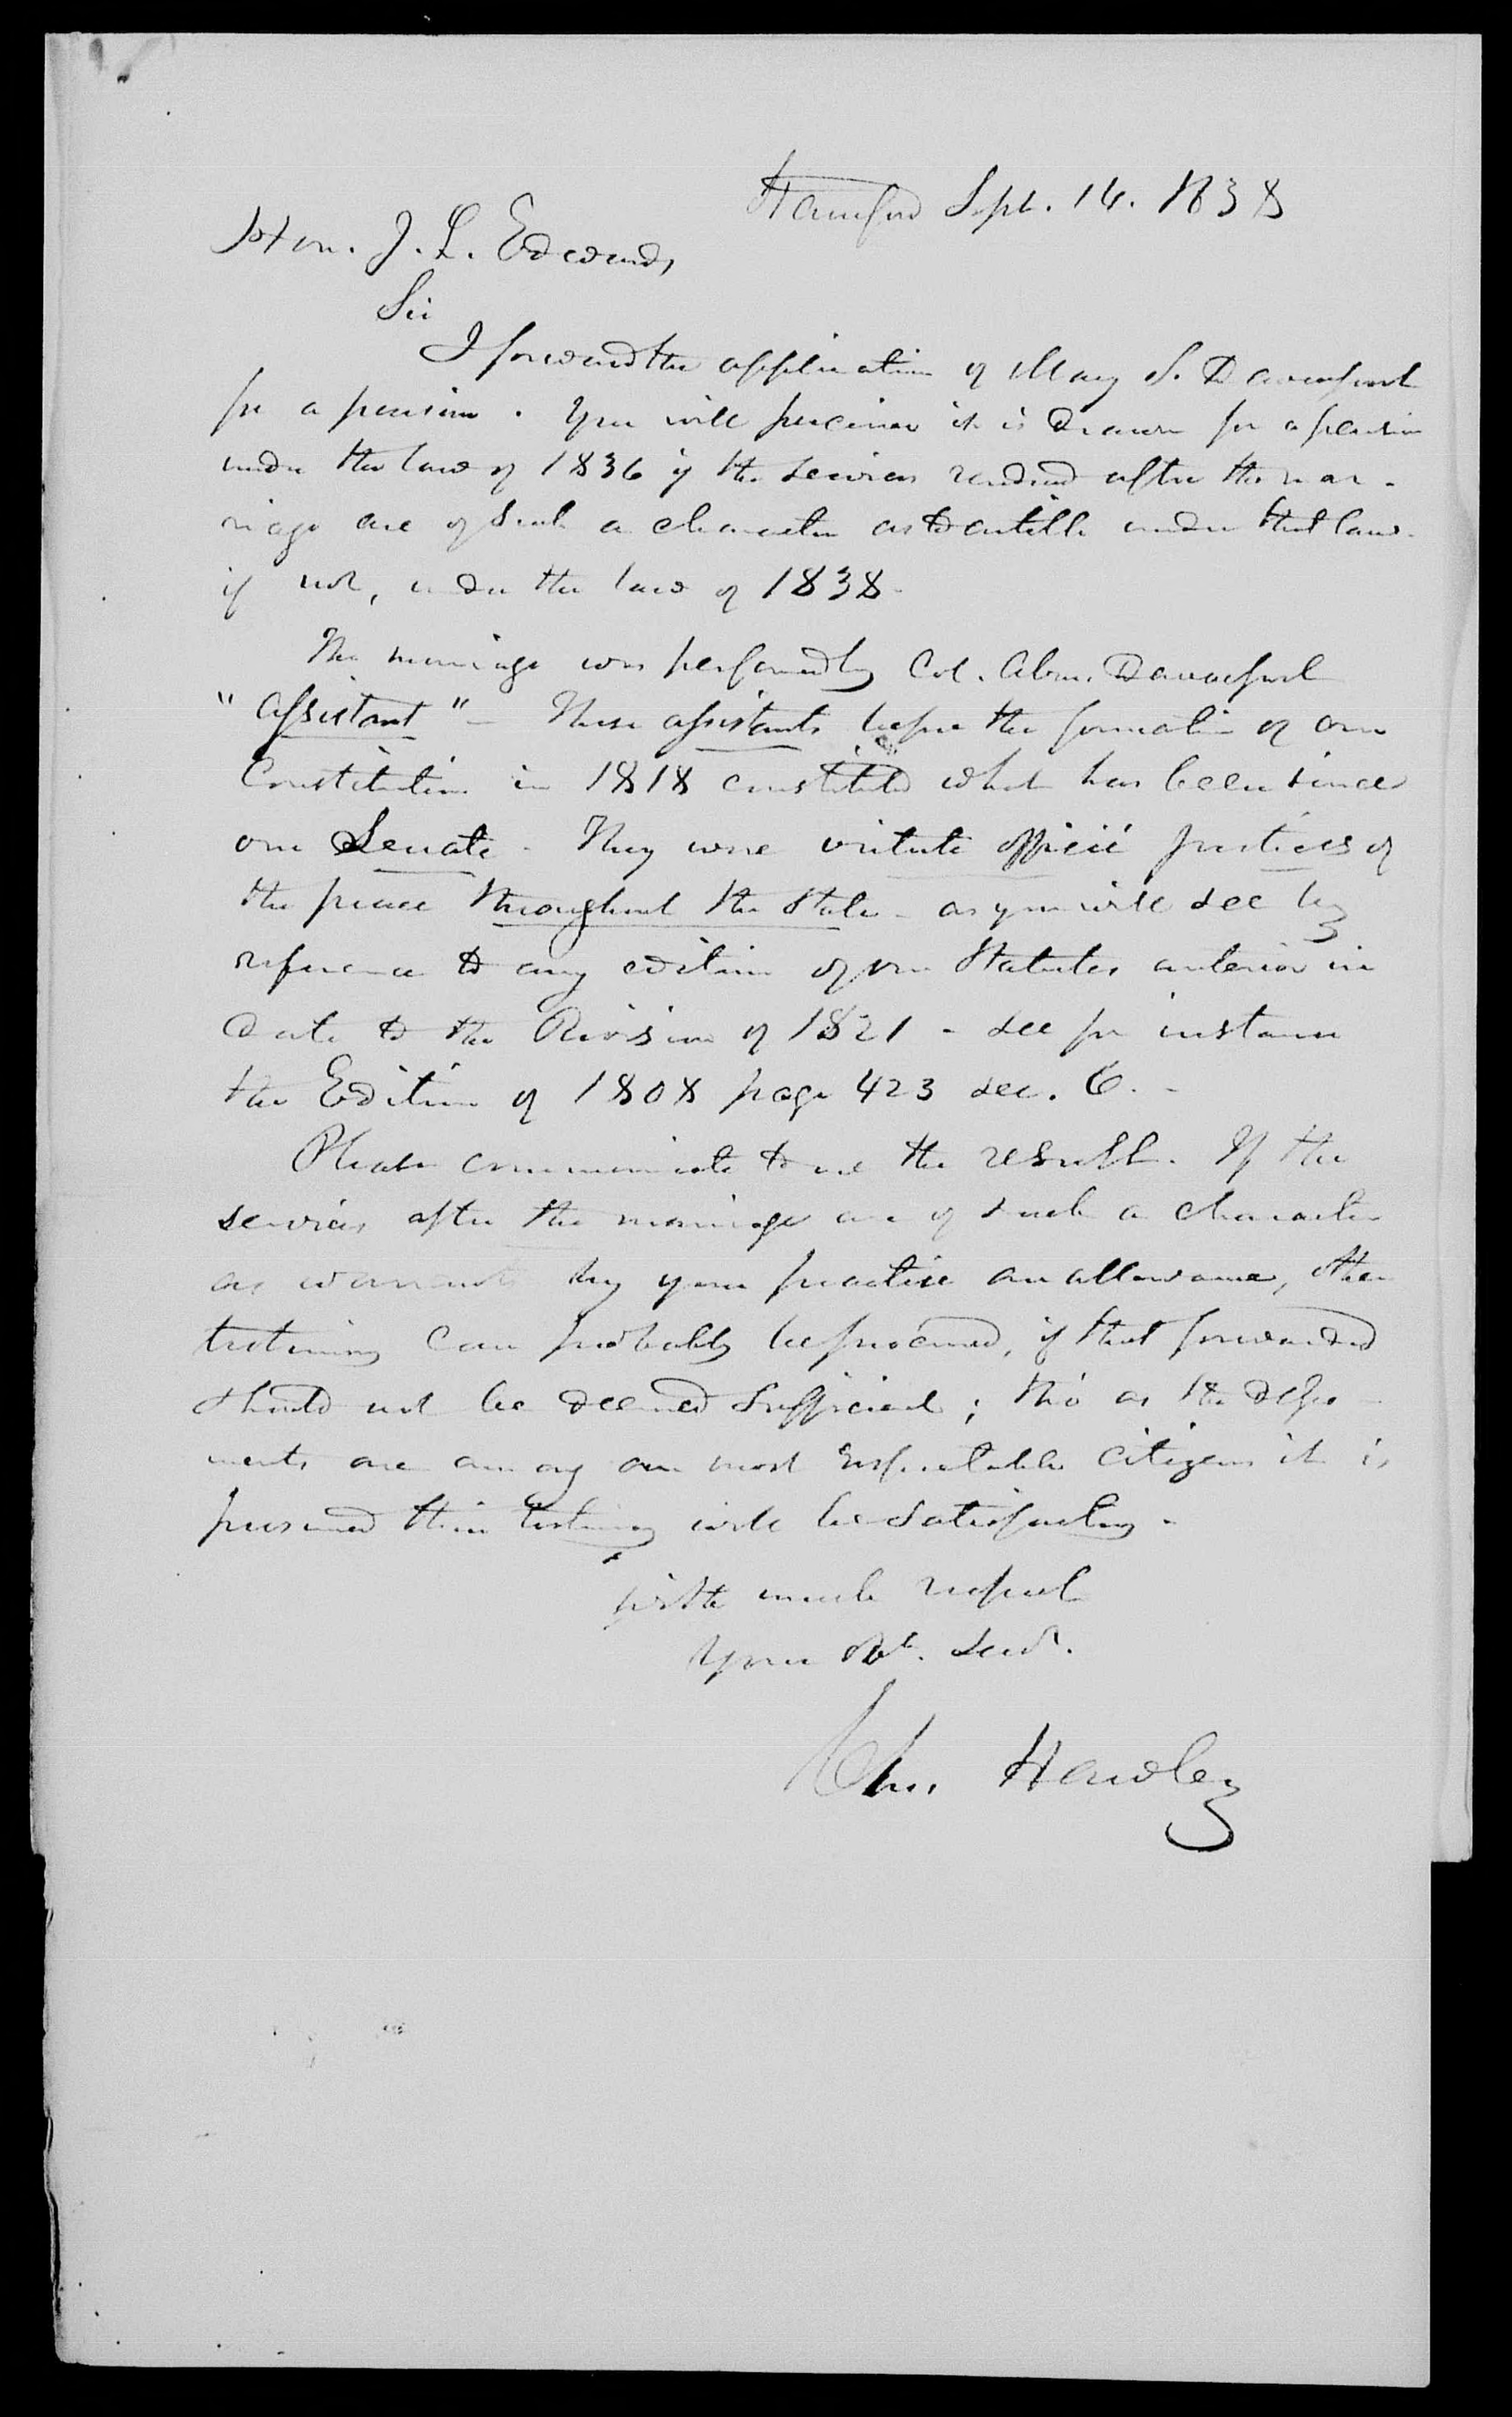Stamford Sept 16, 1838
Hon. J. L. Edwards

Sir
I forward the application of Mary S. Davenport for a pension. You will perceive it is drawn for a pension under the law of 1836 if the services rendered after the marriage are of such a character as to entitle under that law if not, under the law of 1838.
The marriage was performed by Col Abm. Davenport "Assistant." These assistants before the formalities of our Constitution in 1818 constituted what has been since our Senate. they were [illegible] office justices of the peace throughout the State as you will see by reference to any edition of our Statutes earlier in Date to the Revision of 182 --see for instance the Edition of 1808 p[age 423 dec. 6--
Please communicate to me the result. If the services after the marriage are of such a character as warrant by your practice an allowance, other testimony can probably be found, if that testimony should not be [illegible] to suffice; tho as the deponents are among our most reputable citizens it is presumed this testimony will be satisfactory.
With much respect
Your [illegible] service
Chs. Hawley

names: J L Edwards, Abrm Davenport, Chs Hawley, Mary S Davenport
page: 15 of 15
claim: widow's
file: W 17711, John Davenport, Conn.